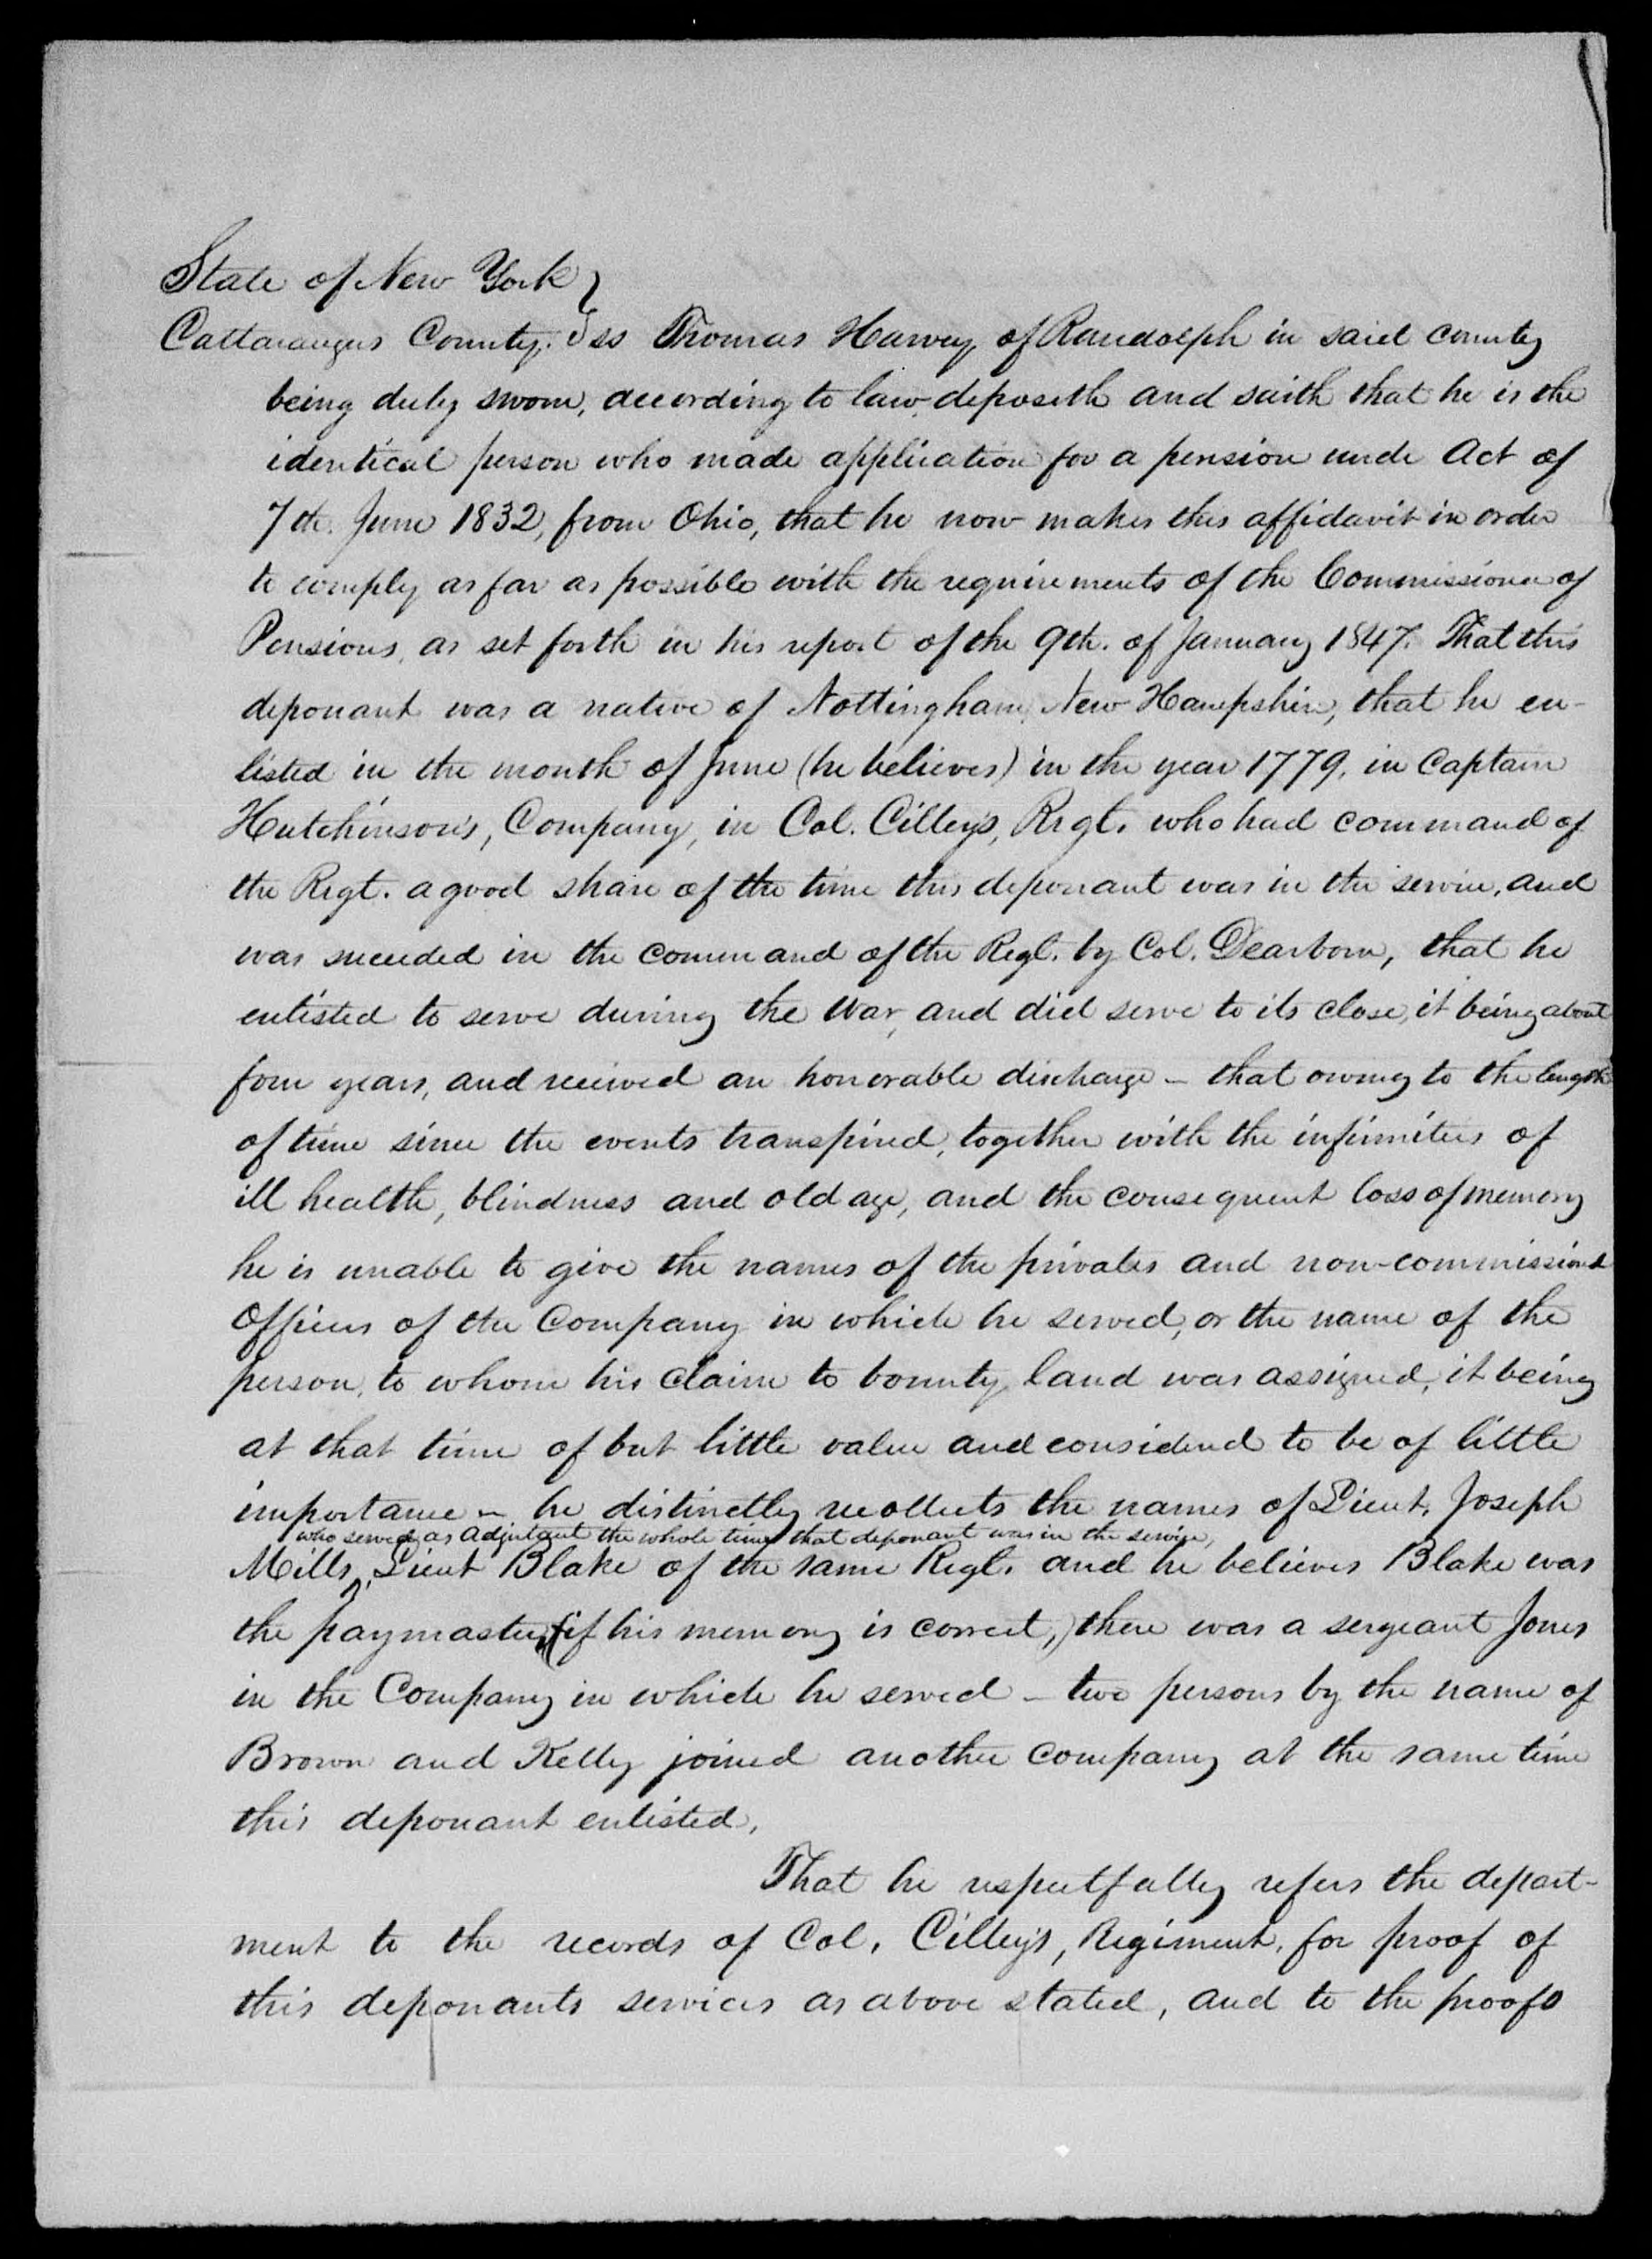State of New York
Cattaraugus County} ss Thomas Harvey of Randolph in said county being duly sworn, according to law deposeth and saith that  he is the identical person who made application for a pension under Act of 7th June 1832, from Ohio, that he now makes this affidavit in order to comply as far as possible with the requirements of the Commissioner of Pensions, as set forth in his report of the 9th. of January 1847. That this deponant was a native of Nottingham, New Hampshire, that he enlisted in the month of June (he believes) in the year 1779, in Captain Hutchinson's Company, in Col. Cilley's Regt. who had command of the Regt. a good share of the time this deponant was in the service, and was succeeded in the command of the Regt. by Col. Dearborn, that he enlisted to serve during the War, and did serve to its close, it being about four years, and received an honorable discharge - that owing to the length of time since the events transpired, together with the infirmities of ill health, blindness and old age, and the consequent loss of memory he is unable to give the names of the privates or non-commissioned Officers of the Company in which he served, or the name of the person, to whom his claim to bounty land was assigned, it being at that time of but little value and considered to be of little importance - he distinctly recollects to the names of Lieut. Joseph Mills, who served as Adjutant the whole time that deponant was in the service, Lieut. Blake of the same Regt. and he believes Blake was the paymaster (if his memory is correct,) there was a sergeant Jones in the Company in which he served - two persons by the name of Brown and Kelly joined another company at the same time this deponant enlisted.
That he respectfully refers the department to the records of Col. Cilley's Regiment for proof of this deponant's services as above stated, and to the proofs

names: Brown, Thomas Harvey, Jones, Blake, Dearborn, Joseph Mills, Blake, Kelly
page: 71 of 80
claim: survivor's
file: S. 18008, Thomas Harvey, N.H.